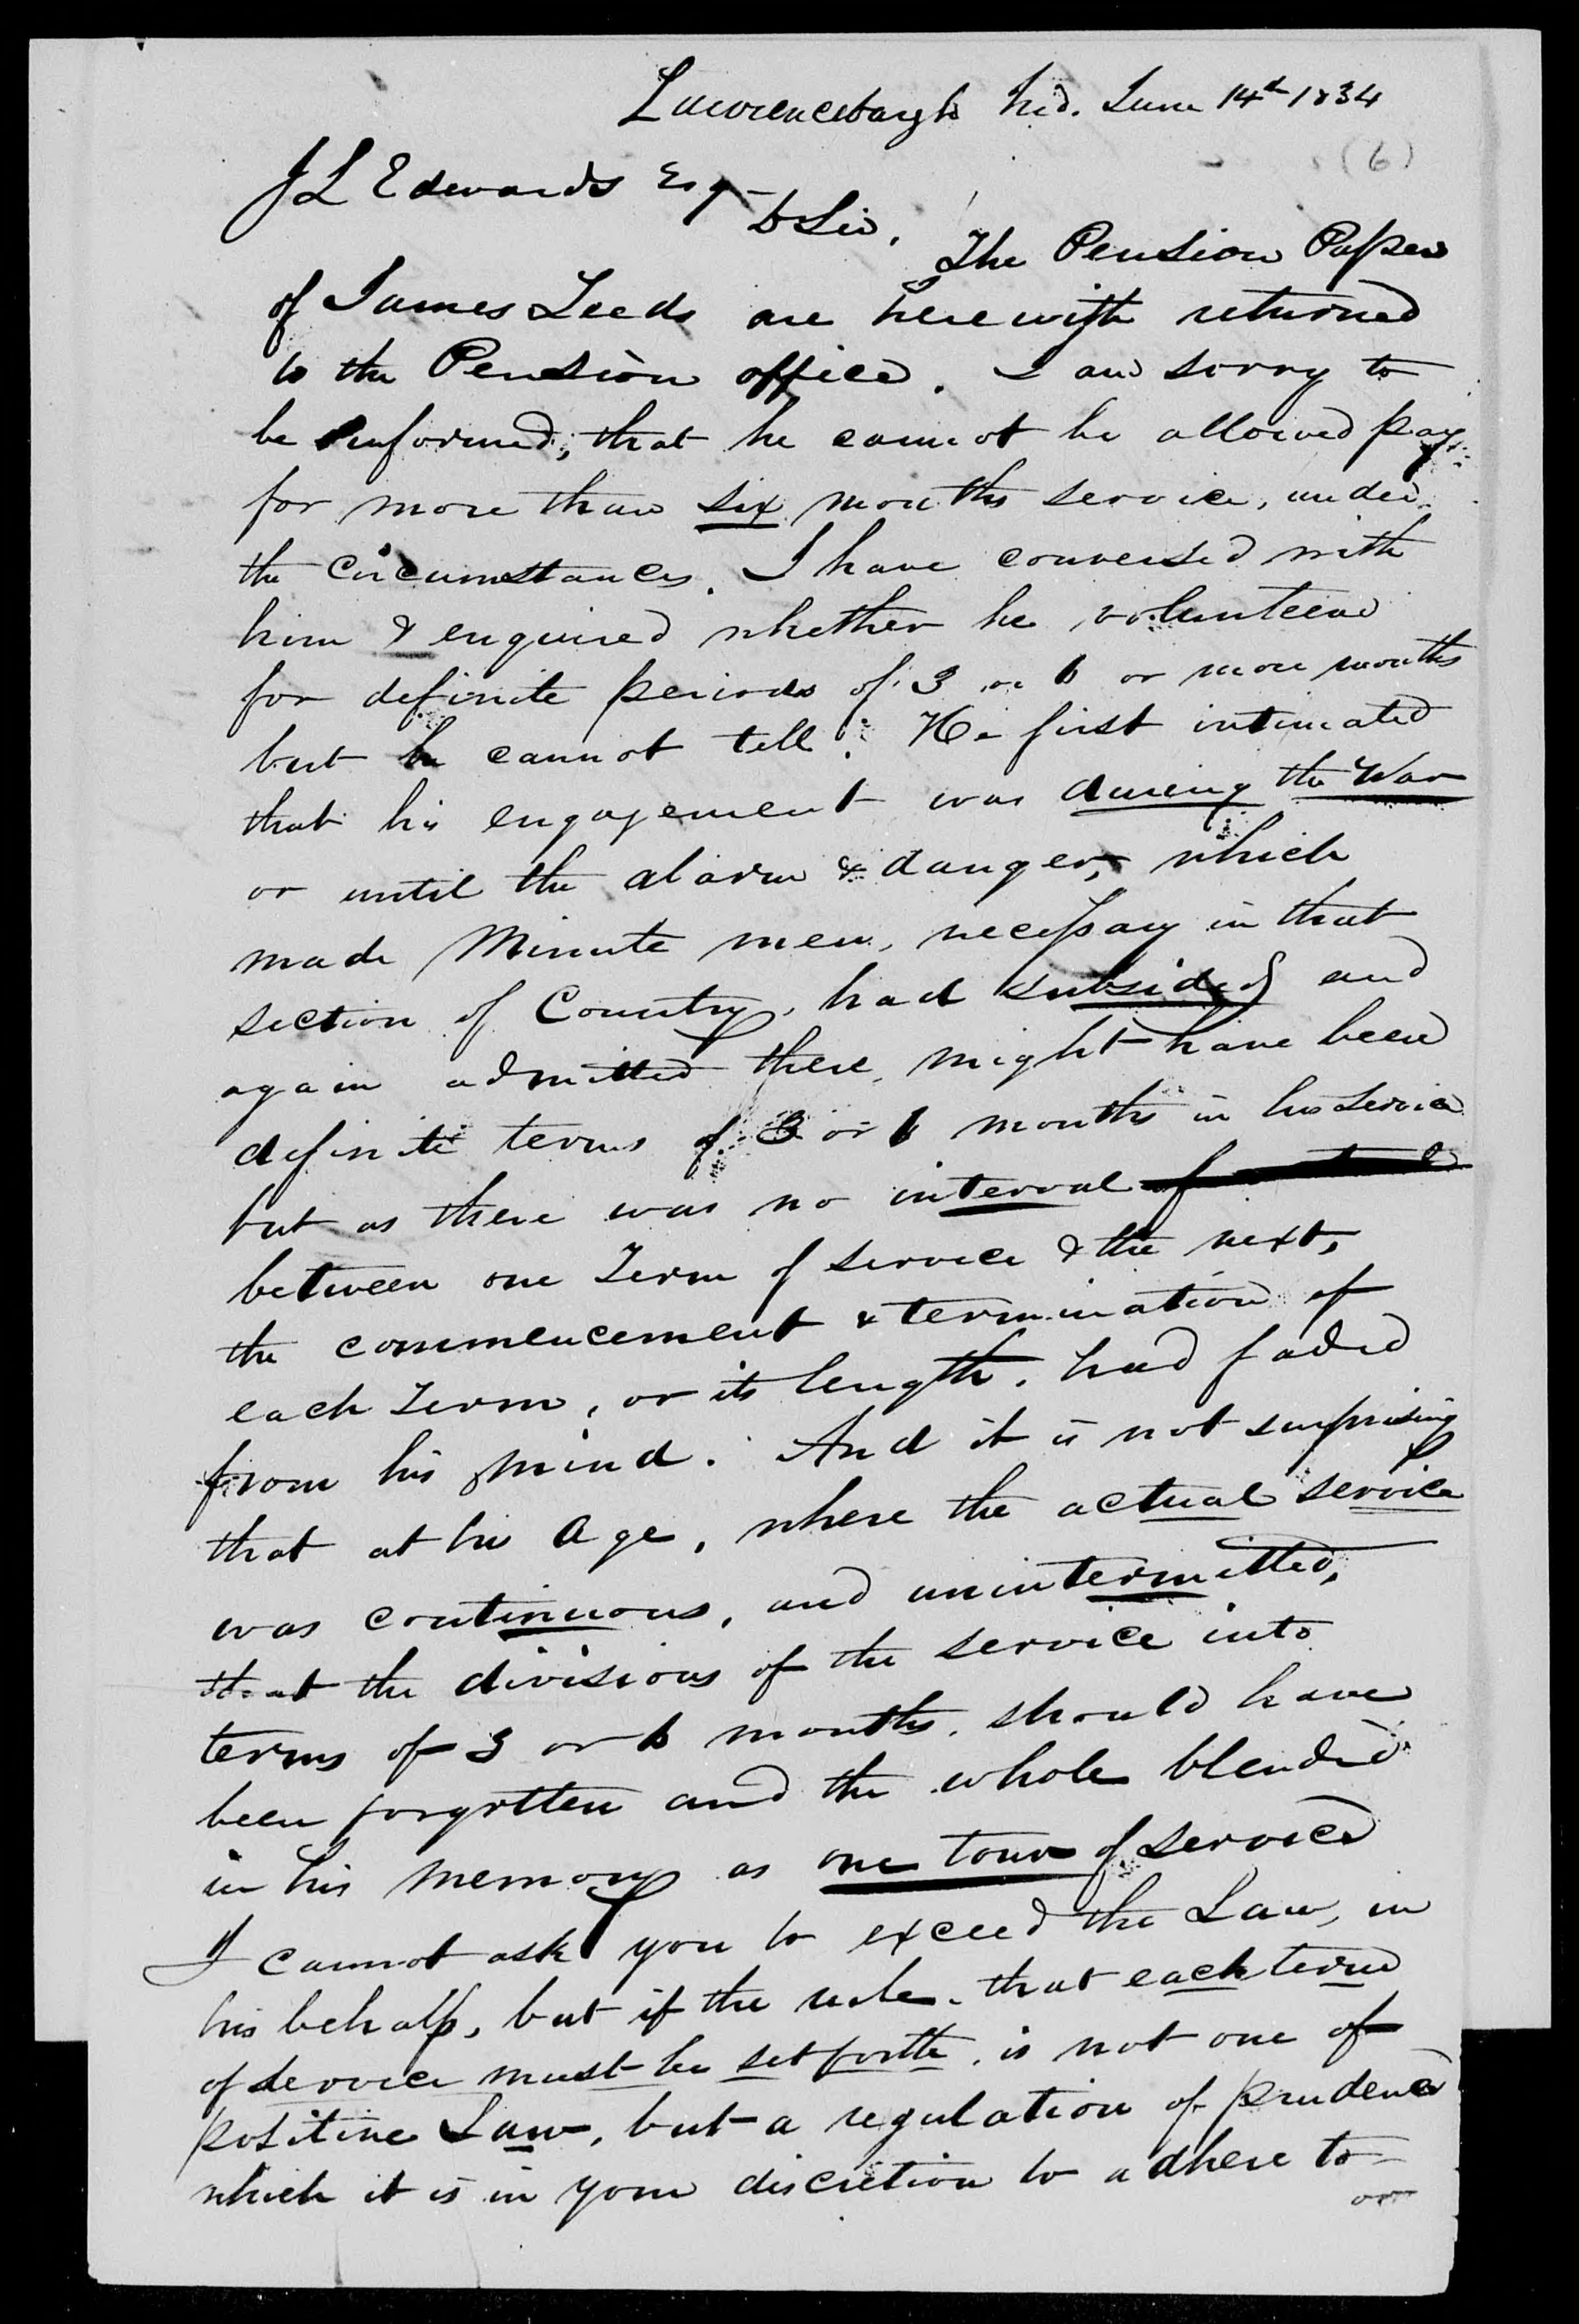Lawrenceburgh Ind. June 14th 1834

[Top right page] (6)

J L Edwards Esq
D Sir,
The Pension Paper of James Leeds are herewith returned to the Pension office. I am sorry to be informed, that he [illegible] [illegible] he allowed pay for more than six months service, under the circumstances. I have conversed with him & enquired whether he volunteered for definite periods of 3 or 1 or more months but he cannot tell. We first intimated that his engagement was during the War or until the alarm & danger, which made minute men, necessary in that section of County, had subsided and again admitted there might have been definite terms of 3 or 1 month in his [illegible] but as there was no interval between one term of service & the next, the commencement & termination of each term, or its length, had faded from his mind. And it is not surprising that at his age, where the actual service was continuous, and unintermitted, that the divisions of the service into terms of 3 or 1 months should have been forgotten and the whole blended in his memory as one term of service

I cannot ask you to exceed the Law, in his behalf, but if the rules that each term of service must be set forth is not one of positive Law, but a regulation of prudence which it is in your discretion to adhere to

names: J L Edwards; James Leeds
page: 34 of 38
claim: survivor's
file: S 31817, for James Leeds, New Jersey